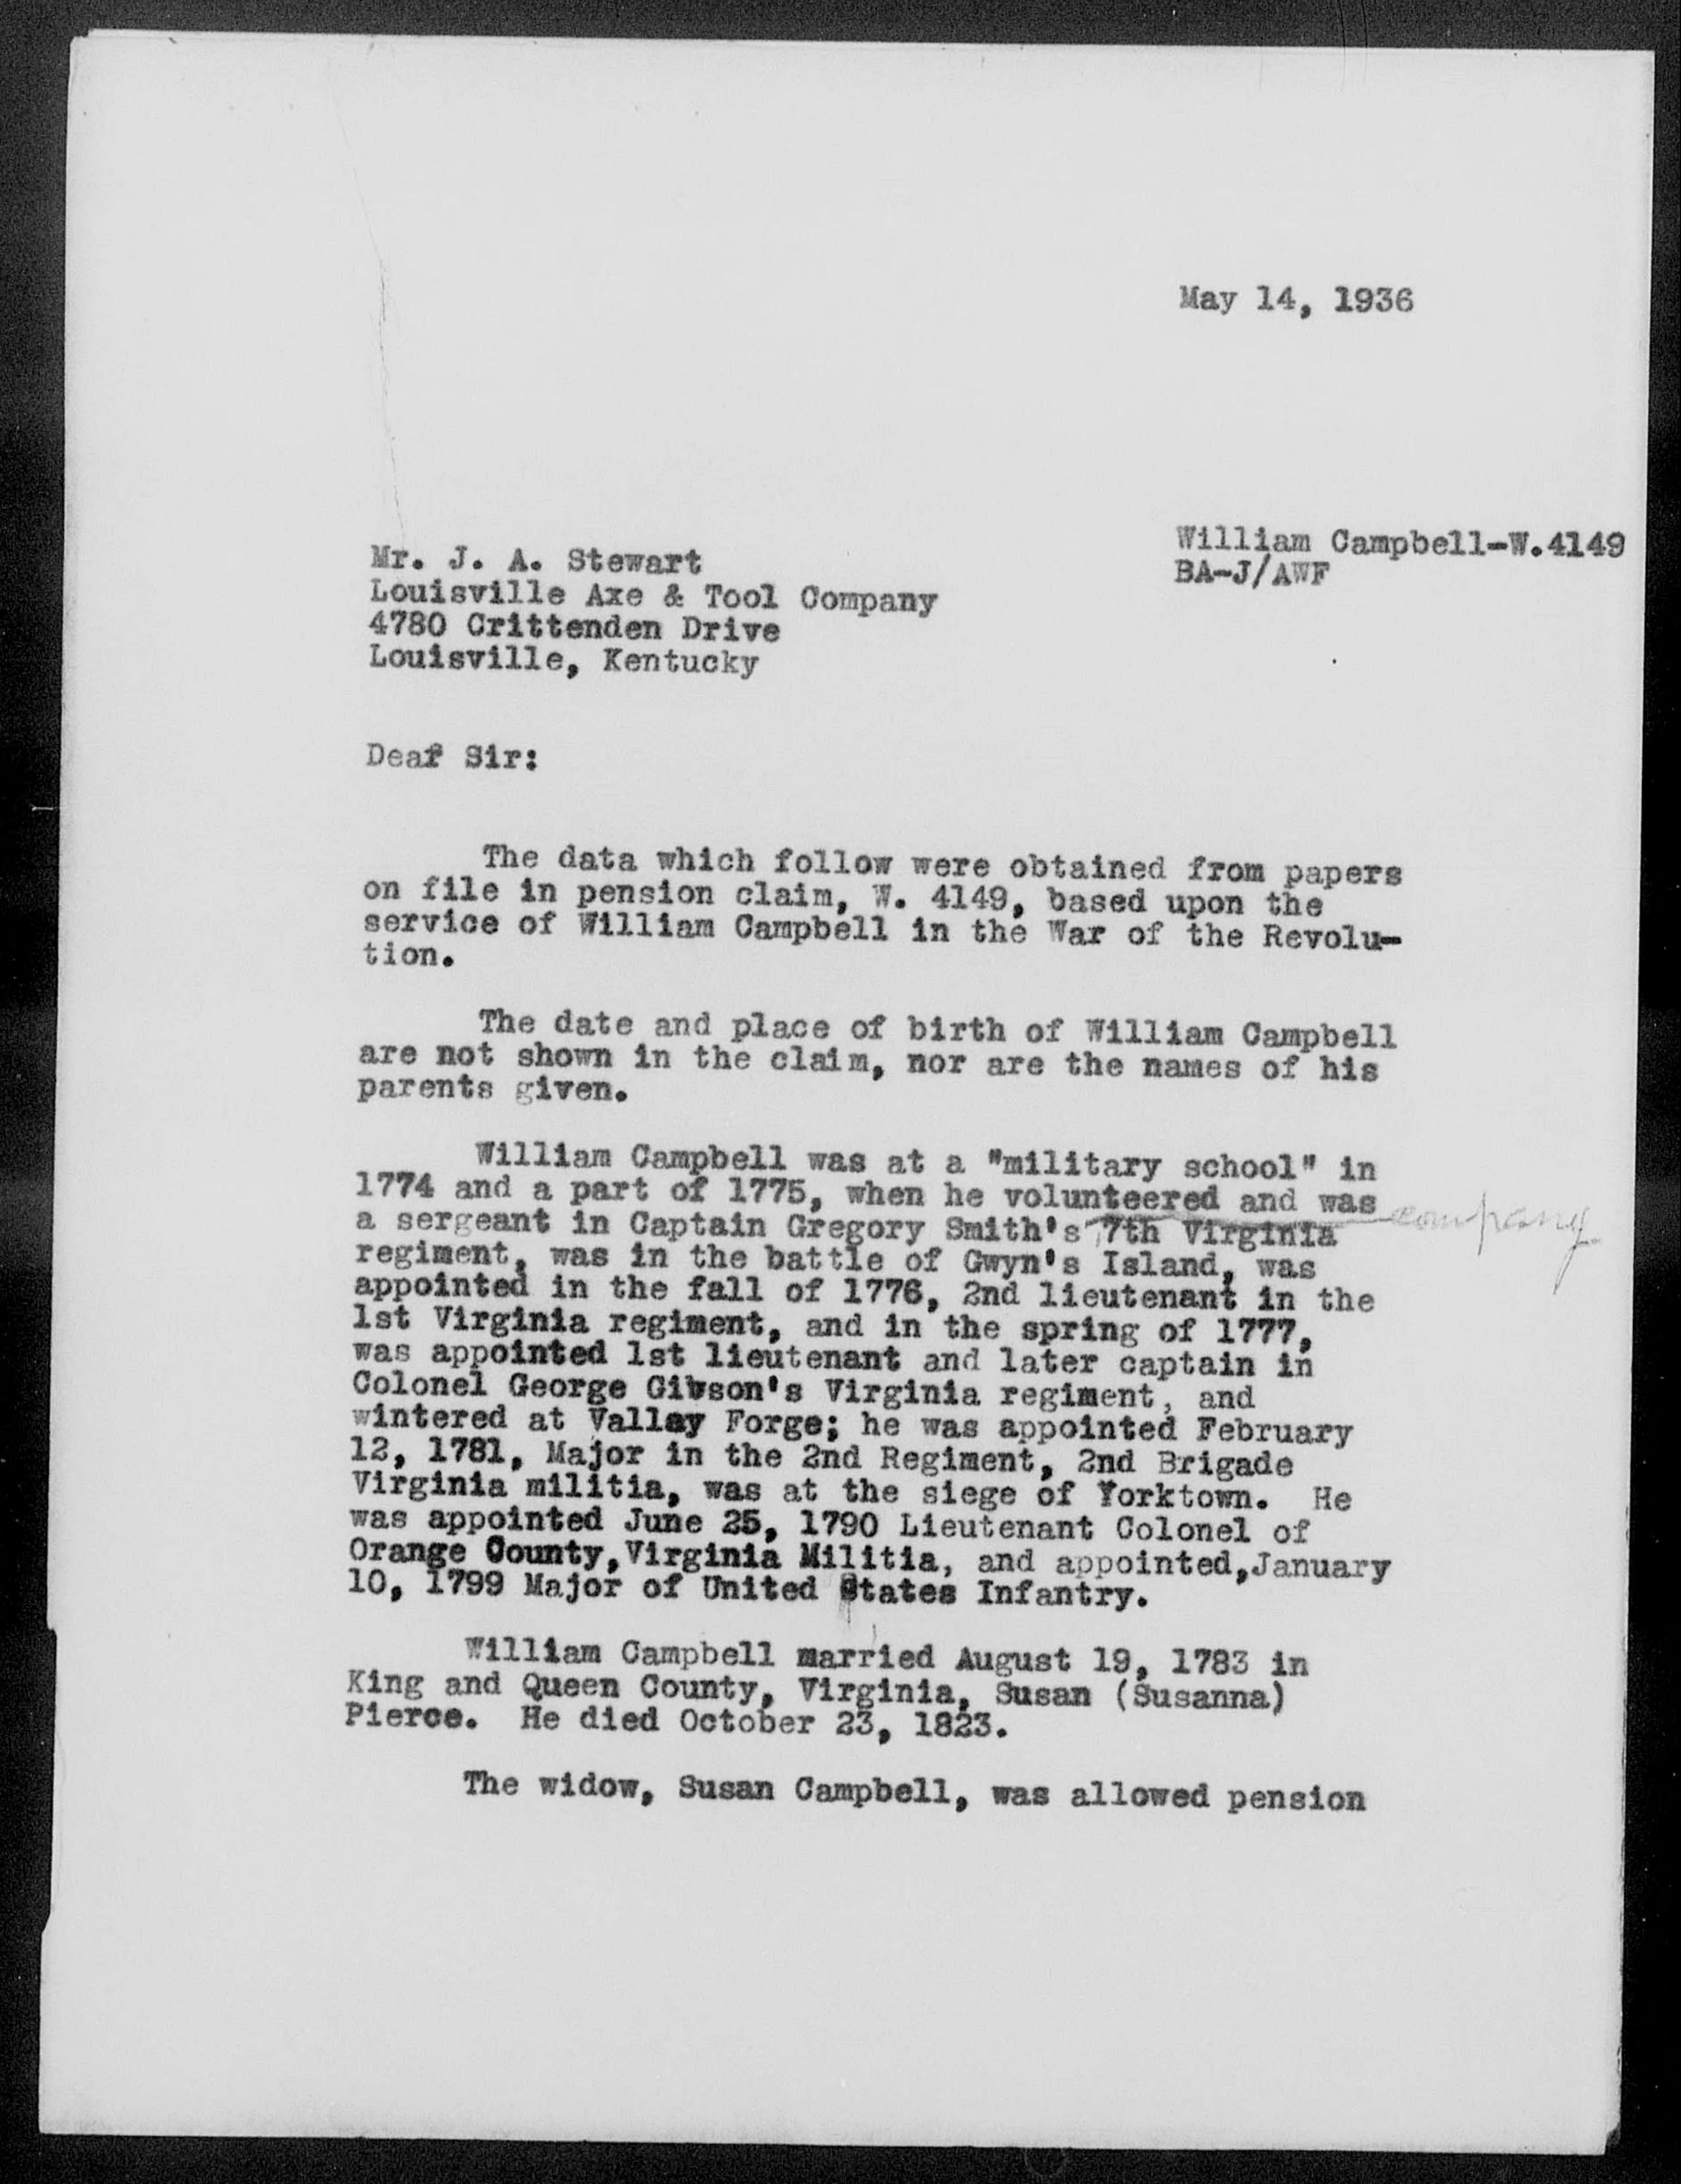Mr. J. A. Stewart
Louisville Axe & Tool Company
4780 Crittenden Drive
Louisville, Kentucky

William Campbell - V.4149
BA-J/AWF

Dear Sir:

The data which follow were obtained from papers on file in pension claim, W. 4149, based upon the services of William Campbell in the War of the Revolution.

The date and place of birth of William Campbell are not shown in the claim, nor are the names of his parents given.

William Campbell was at a "military school" in 1774 and a part of 1775, when he volunteered and was a sergeant in Captain Gregory Smith's [insert] company [end insert] 7th Virginia regiment, was in the battle of Gwyn's Island, was appointed in the fall of 1776, 2nd lieutenant in the 1st Virginia regiment, and in the spring of 1777, was appointed 1st lieutenant and later captain in Colonel George Gibson's Virginia regiment, and wintered at Valley Forge; he was appointed February 12, 1781, Major in the 2nd Regiment, 2nd Brigade Virginia militia, was at the siege of Yorktown.  He was appointed June 25, 1790 Lieutenant Colonel of Orange County, Virginia Militia, and appointed, January 10, 1799 Major of United States Infantry.

William Campbell married August 19, 1783 in King and Queen County, Virginia, Susan (Susanna) Pierce. He died October 23, 1823.

The widow, Susan Campbell, was allowed pension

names: Susan Campbell, William Campbell, J A Stewart, William Campbell, William Campbell, William Campbell, William Campbell, Susanna Pierce, Susan Pierce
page: 29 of 267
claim: widow's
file: W. 4,149, William Campbell, Va.